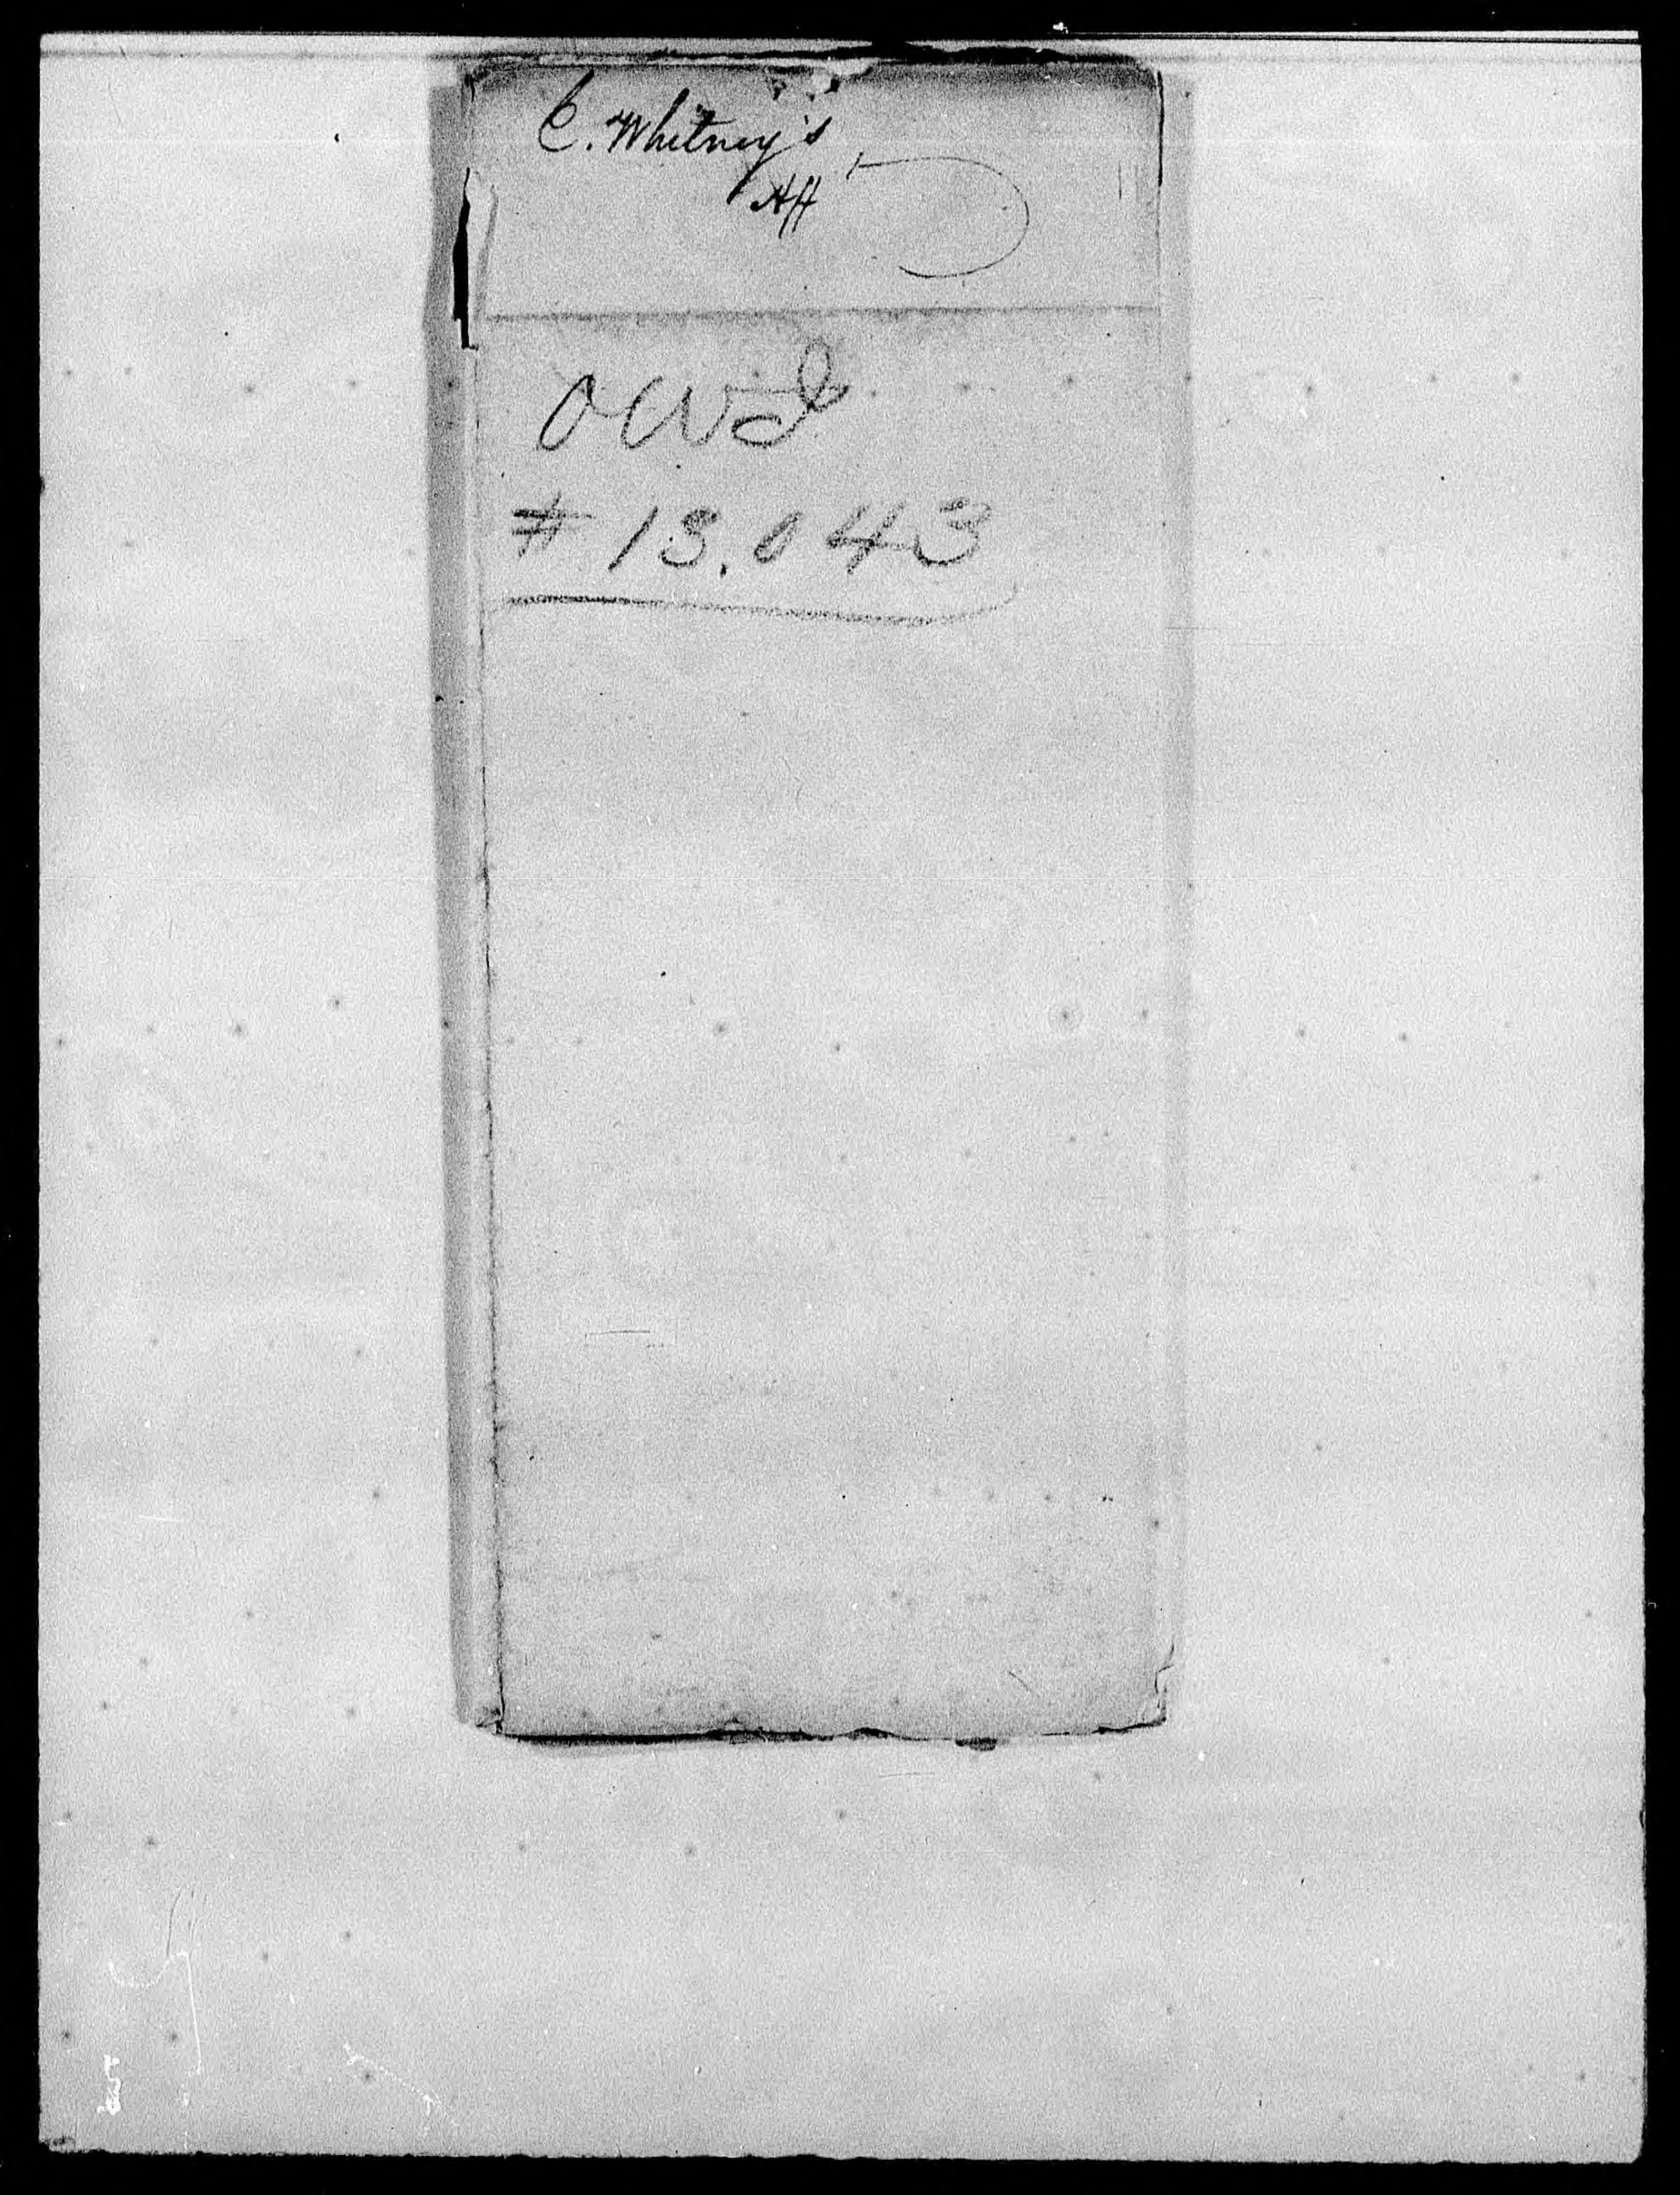E. Whitney's
AH [handwritten flourish]
OWJ
# 13.043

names: E Whitney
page: 40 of 54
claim: survivor's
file: S. 13,043, Samuel Foster, Conn.